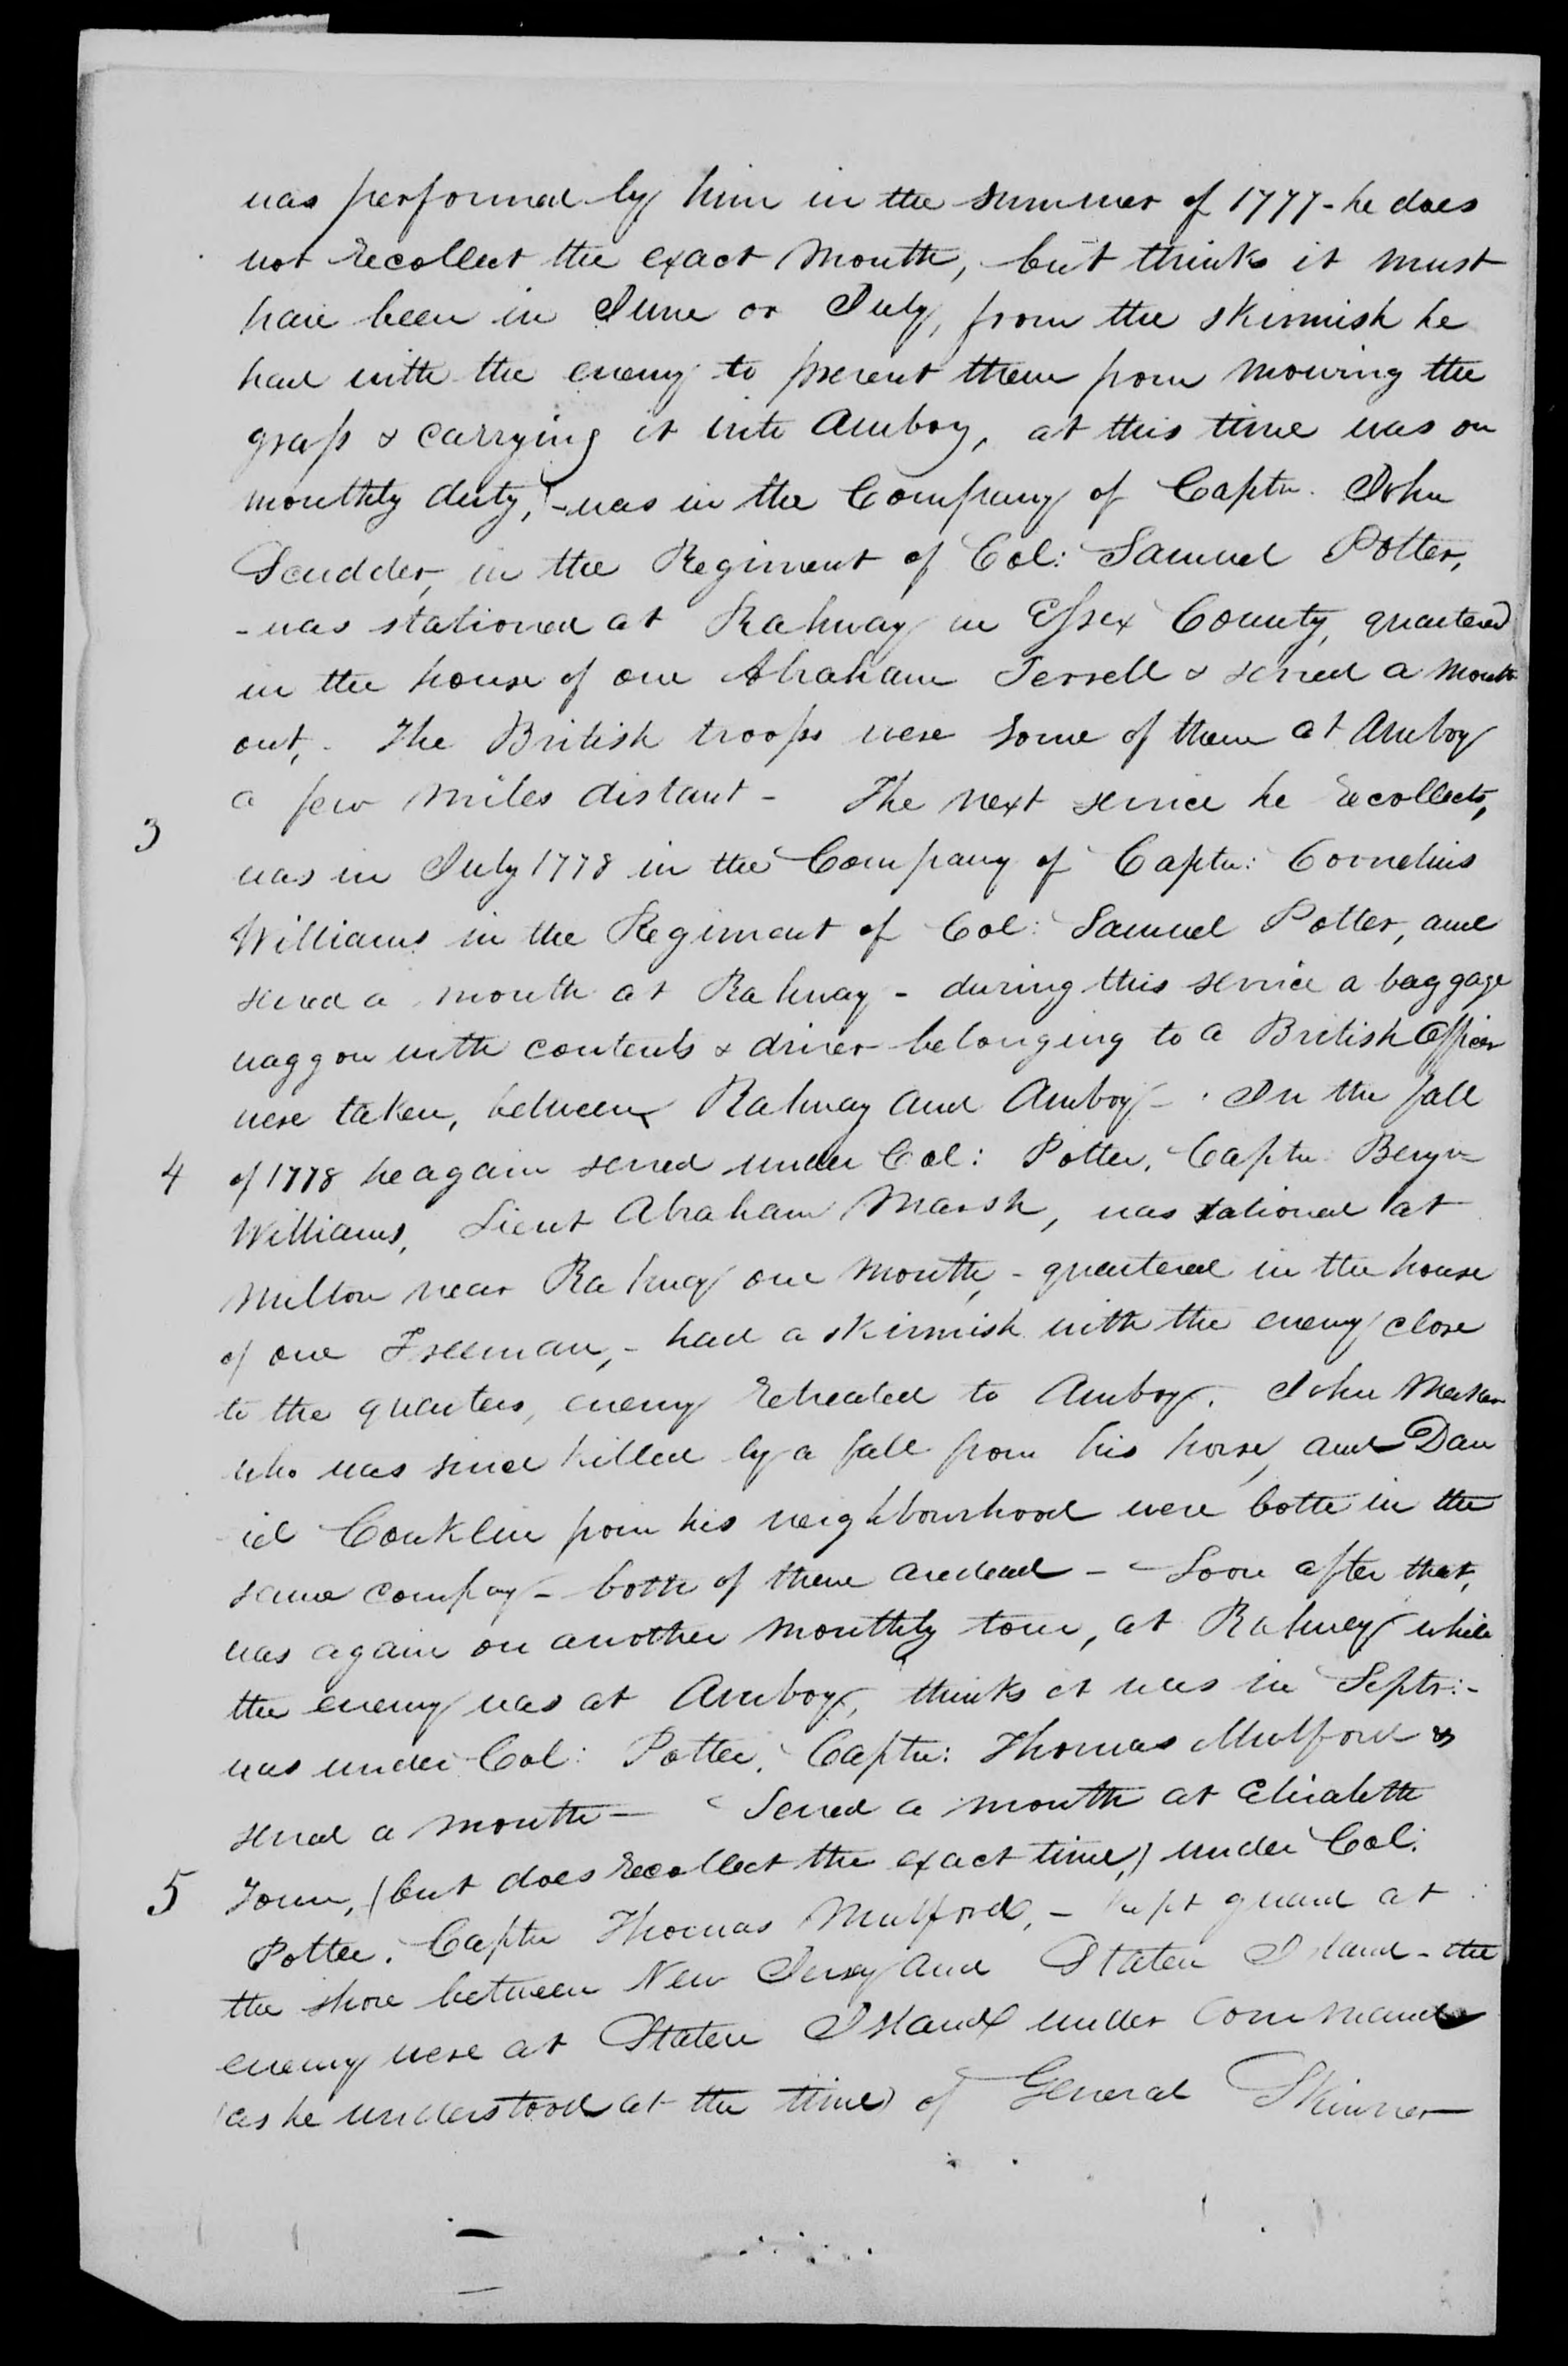was performed by him in the summer of 1777 - he does
not recollect the exact month, but thinks it must
have been in June or July, from the skirmish he
had with the enemy to prevent them from mowing the 
grass & carrying it into Amboy, at this time was on monthly duty, - was in the Company of Captn. John
Scudder, in the Regiment of Col. Samuel Potter, 
was stationed at Rahway in Essex County, quartered in the house of one Abraham Terrell & Served a month out, - The British troops were some of them at Amboy
a few miles distant -  

3  The next service he recollects,
was in July 1778 in the Company of Captn Cornelius
Williams in the Regiment of Col. Samuel Potter and
served a month at Rahway - during this service a baggage waggon with contents & driver belonging to a British officer
were taken, between Rahway and Amboy.  In the fall

4  of 1778 he again served under Col. Potter, Captn Benja
Williams, Lieut Abraham Marsh, was stationed at
Milton near Rahway one month - quartered in the house
of one Freeman, - had a skirmish with the enemy close
to the quarters, enemy retreated to Amboy.  John Maker
who was since killed by a fall from his horse, and Daniel Conklin 
from his neighbourhood were both in the
same company - both of them ordered - Soon after that,
was again on another monthly tour, at Rahway while
the enemy was at Amboy, thinks it was in Sept - 
was under Col. Potter, Captn: Thomas Mulford - served a month-

5  Served a month at Elizabeth Town, but does recollect the exact time, under Col. Potter, Captn Thomas Mulford. - kept guard at the shore between New Jersey and Staten Island - the
enemy were at Staten Island under Commander
as he understood at the time of General Skinner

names: Abraham Terrell, Daniel Conklin, Abraham Marsh, Samuel Potter, Skinner, Thomas Mulford, Cornelius Williams, Benja Williams, Potter, Potter, Thomas Mulford, Samuel Potter, John Scudder, John Maker, Potter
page: 5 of 28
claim: survivor's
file: S 2464, John Conklin, New Jersey